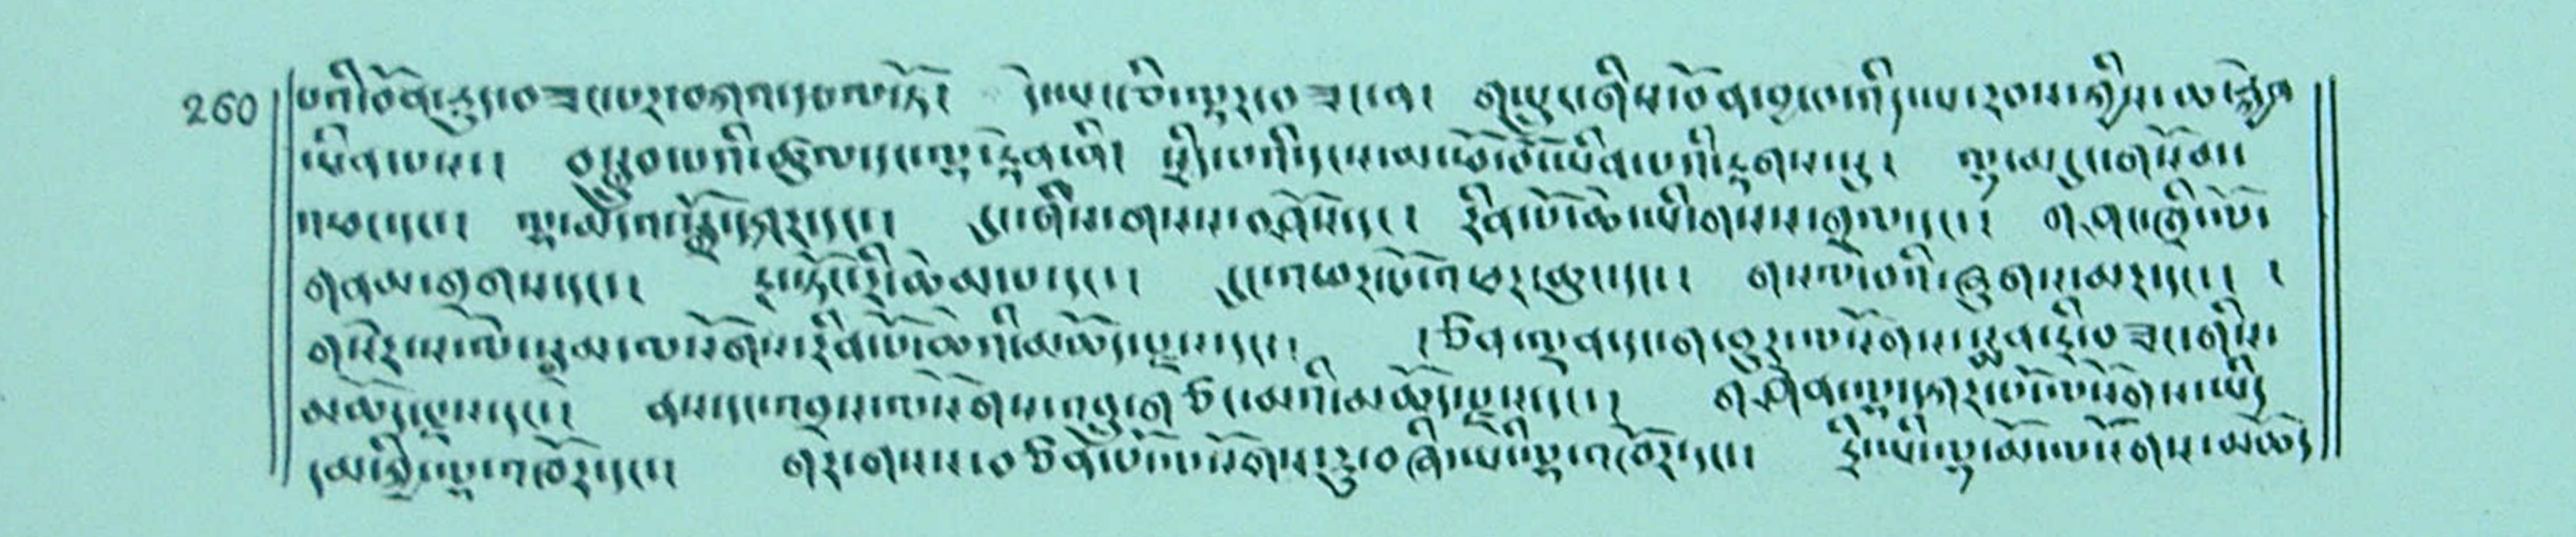པའི་བོན་རྒྱུད་བཟང་བར་བཀའ་སྩལ་ཏོ། དེ་ཡང་ཅི་ལྟར་བཟང་ན། གཡུང་དྲུང་གི་བོན་བྱ་བ་འདི་ཡ་རབས་ཀྱི་ཆ་རྐྱེན་
ཡིན་པས། སྒྲུབ་པའི་ཚུལ་དང་ལྷ་རྟེན་ན། ་སྲིད་པའི་དྭངས་མ་ཕོ་བོ་ཡིན་པའི་རྟགས་སུ་ལྷ་མདུང་གསོམ་
འཕང་དང་། ལྷ་མདའ་སྒྲོ་དཀར་དང་། དུང་གི་གསས་བཤོས་དང་། རིན་པོ་ཆེའི་གསས་གྲལ་དང་། གཤང་ཁྲི་ལོ་
གནམ་གྲགས་དང་། རྔ་སྟོང་རི་ཆེམ་པ་དང་། དུང་འཕར་པོ་འཕར་ཆུང་དང་། གསལ་བའི་ཞུགས་མར་དང་། 
གསེར་ས་ལེ་སྦྲམ་ལ་སོགས་རིན་པོ་ཆེའི་མཆོད་རྫས་དང་། ཙན་དན་དང་ག་བུར་ལས་སོགས་སྨན་དྲི་བཟང་གིས་
མཆོད་རྫས་དང་། ནས་དང་འབྲས་ལ་སོགས་འབྲུ་གཙང་མའི་མཆོད་རྫས་དང་། གཤེན་ལྷ་དཀར་པོ་ལས་སོགས་ཡི་
དམ་གྱི་ལྷ་འཁོར་དང་། གར་གསས་བཙན་པོ་ལས་སོགས་རུ་བཞི་ཡི་ལྷ་འཁོར་དང་། དྲི་ཡི་ལྷ་མོ་ལ་སོགས་མཆོད་